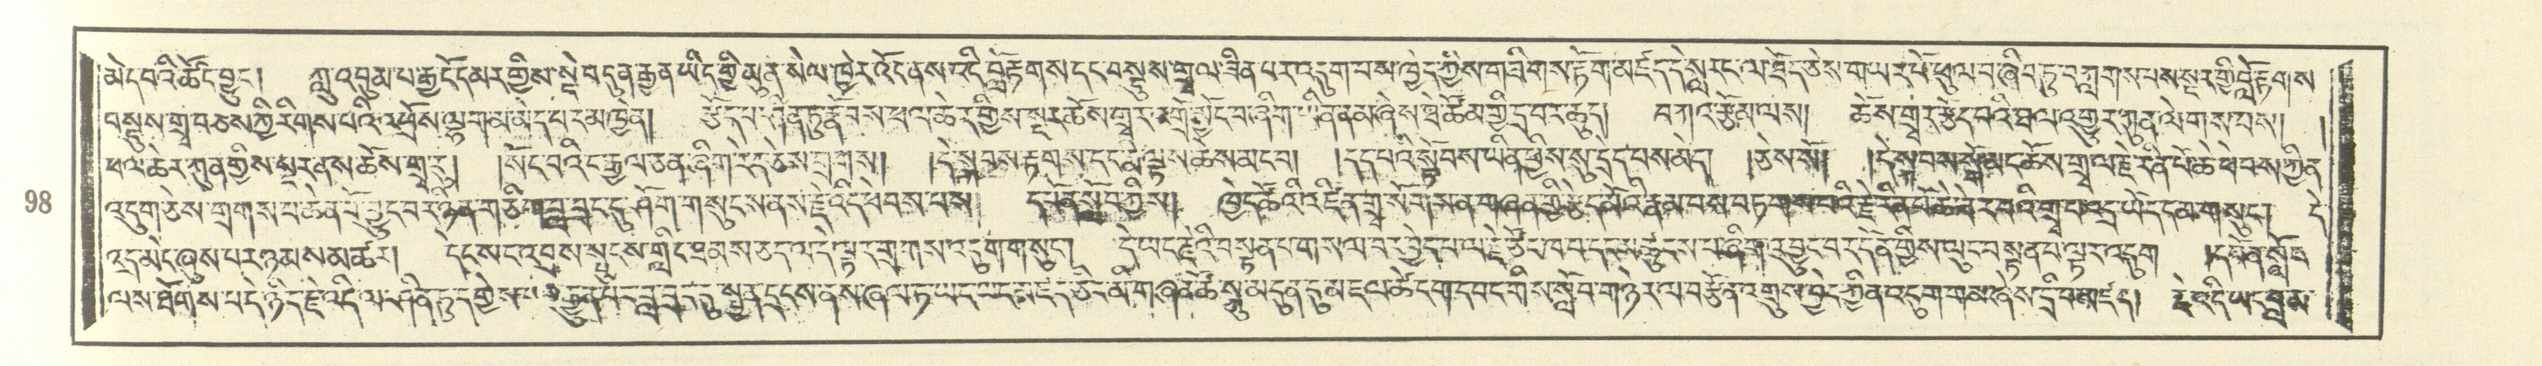མེད་པའི་ཚོད་བྱུང་། ཀླུ་འབུམ་བ་རྒྱ་ངོ་དམར་གྱིས་སྡེ་བདུན་རྒྱན་ཡིད་ཀྱི་མུན་སེལ་ཁྱེར་འོང་ནས་འདི་བློ་རྟགས་དང་བསྡུས་གྲྭ་ལ་ཕན་བར་འདུག་པས་ཁྱེད་ཀྱིས་གཟིགས་རྟོག་མཛད་དེ་སླར་ང་ལ་ཐོད་ཅེས་གཡར་པོ་ཕུལ་བ་ཞིབ་ཏུ་བཀླགས་པས་སྔར་གྱི་བློ་རྟགས་
བསྡུས་གྲྭ་བཅས་ཀྱི་རིགས་པའི་འཕྲོས་ལྷག་མ་མེད་པར་མཁྱེན། རྩོད་པ་ཤིན་ཏུ་རྣོ་བས་ཕལ་ཆེར་གྱིས་སྔར་ཆོས་གྲྭར་འགྲོ་མྱོང་བ་ཞིག་ཡིན་ནམ་ཞེས་ཐེ་ཚོམ་གྱི་དྲ་བར་ཆུད། བཀའ་རྩོམ་ལས། ཆོས་གྲྭར་རྩོད་པའི་ཐལ་འགྱུར་ཀུན་ལེགས་བས། །
ཕལ་ཆེར་ཀུན་གྱིས་སྔར་ནས་ཆོས་གྲྭ་རུ། །སོང་བའི་ང་རྒྱལ་ཅན་ཞིག་རེད་ཅེས་གྲགས། །དེ་སྐབས་རྟགས་དང་རྨི་ལྟས་ཆེས་མང་བ། །དད་པའི་སྟོབས་ཡིན་ཕྱིས་སུ་དྲེད་པས་མེད། །ཅེས་སོ། །དེ་སྐབས་སྒོ་མང་ཆོས་གྲྭ་ལ་རྗེ་རིན་པོ་ཆེ་ཕེབས་ཀྱིན་
འདུག་ཅེས་གྲགས་པ་ཆེན་པོ་བྱུང་བར་ཉིན་གཅིག་བླ་བྲང་དུ་ཤོག་གསུངས་ནས་རྗེ་འདི་ཕེབས་བས། དཔོན་སློབ་ཀྱིས། ཁྱེད་ཚོའི་འཛིན་གྲྭ་སོ་གསན་གཞན་གྱི་རྩེད་མོའི་རྣམ་པས་བཏགས་པའི་རྗེ་རིན་པོ་ཆེ་ཟེར་བའི་གྲྭ་པ་འདྲ་ཡོད་དམ་གསུང་། དེ་
འདྲ་མེད་ཞུས་པར་ཉམས་མཚར། དེང་སང་འབྲས་སྤུངས་གླིང་ཐམས་ཅད་ལ་དེ་ལྟར་གྲགས་འདུག་གསུང་། དེ་ཡང་རྗེའི་བསྟན་པ་གསལ་བར་བྱེད་པ་ལ་རྗེ་ཙོང་ཁ་པ་དང་མཚུངས་བ་ཞིག་འབྱུང་བར་དོན་གྱིས་ལུང་བསྟན་པ་ལྟར་འདུག །དཔོན་སློབ་
ལས་ཐོགས་པ་དེ་ཉིད་རྗེ་འདི་ལ་ཤིན་ཏུ་དགྱེས་བབ་རྒྱུན་པར་བླ་བྲང་དུ་སྤྱན་དྲངས་ནས་ཞལ་ཏ་ཡང་ཡང་མཛད་ཅིང་མི་གཞན་ཚོ་སྐུ་མདུན་དུ་མཇལ་ཚེ་ངག་དབང་གིས་སློབ་གཉེར་ལ་བརྩོན་འགྲུས་བྱེད་ཀྱིན་འདུག་གམ་ཞེས་དྲི་བ་མཛད། རྗེ་འདི་ཡང་བླ་མ་